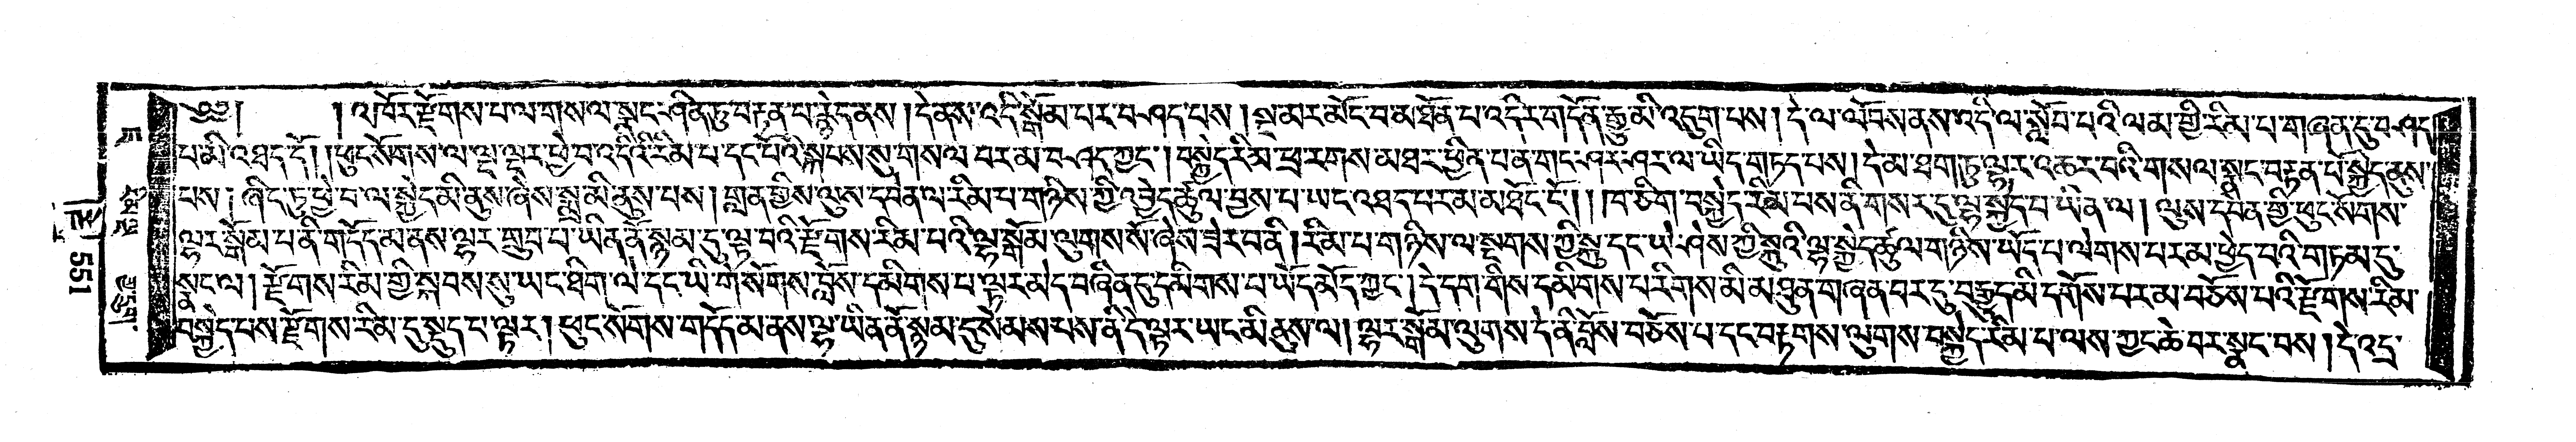༄༅། །འཁོར་རྫོགས་པ་ལ་གསལ་སྣང་ཤིན་ཏུ་བརྟན་པ་རྙེད་ནས། དེ་ནས་འདི་སྒོམ་པར་བཤད་པས། སྔ་མར་མྱོང་བ་མ་ཐོན་པ་འདིར་གདོན་རྒྱུ་མི་འདུག་པས། དེ་ལ་ལོབས་ནས་འདི་ལ་སློབ་པའི་ལམ་གྱི་རིམ་པ་གཞན་དུ་བཤད་
པ་མི་འཐད་དོ། །ཕུང་སོགས་ལ་ལྔ་ལྔར་ཕྱེ་བ་འདིའི་རིམ་པ་དང་པོའི་སྐབས་སུ་གསལ་བར་མ་བཤད་ཀྱང་། བསྐྱེད་རིམ་ཕྲ་རགས་མཐར་ཕྱིན་པ་ན་གང་ཤར་ཤར་ལ་ཡིད་གཏད་པས། དེ་མ་ཐག་ཏུ་ལྷར་འཆར་བའི་གསལ་སྣང་བརྟན་པོ་བསྐྱེད་ནུས་
པས། ཞིང་དུ་ཕྱེ་བ་ལ་སྐྱེད་མི་ནུས་ཞེས་སྨྲ་མི་ནུས་པས། གླན་གྱིས་ལུས་དབེན་ལ་རིམ་པ་གཉིས་ཀྱི་འབྱེད་ཚུལ་བྱས་པ་ཡང་འཐད་པར་མ་མཐོང་ངོ། །ཁ་ཅིག་བསྐྱེད་རིམ་པས་ནི་གསར་དུ་སྐྱེད་པ་ཡིན་ལ། ལུས་དབེན་གྱི་ཕུང་སོགས་
ལྷར་སྒོམ་པ་ནི་གདོད་མ་ནས་ལྷར་གྲུབ་པ་ཡིན་ནོ་སྙམ་དུ་ལྟ་བའི་རྫོགས་རིམ་པའི་ལྷ་སྒོམ་ལུགས་སོ་ཞེས་ཟེར་བ་ནི། རིམ་པ་གཉིས་ལ་སྔགས་ཀྱི་སྐུ་དང་ཡེ་ཤེས་ཀྱི་སྐུའི་ཚུལ་གཉིས་ཡོད་པ་ལེགས་པར་མ་ཕྱེད་པའི་གཏམ་དུ་
སྣང་ལ། རྫོགས་རིམ་གྱི་སྐབས་སུ་ཡང་ཐིག་ལེ་དང་ཡི་གེ་སོགས་བློས་དམིགས་པ་ལྟར་མེད་བཞིན་དུ་དམིགས་པ་ཡོད་མོད་ཀྱང་། དེ་དག་གིས་དམིགས་པ་རིགས་མཐུན་གཞན་བར་དུ་བརྒྱུད་མི་དགོས་པར་མ་བཅོས་པའི་རྫོགས་རིམ་
བསྐྱེད་པས་རྫོགས་རིམ་དུ་སྡུད་པ་ལྟར། ཕུང་སོགས་གདོད་མ་ནས་ལྷ་ཡིན་ནོ་སྙམ་དུ་སེམས་པས་ནི་དེ་ལྟར་ཡང་མི་ནུས་ལ། ལྷར་སྒོམ་ལུགས་དེ་ནི་བློས་བཅོས་པ་དང་བརྟགས་ལུགས་བསྐྱེད་རིམ་པ་ལས་ཀྱང་ཆེ་བར་སྣང་བས། དེ་འདྲ་